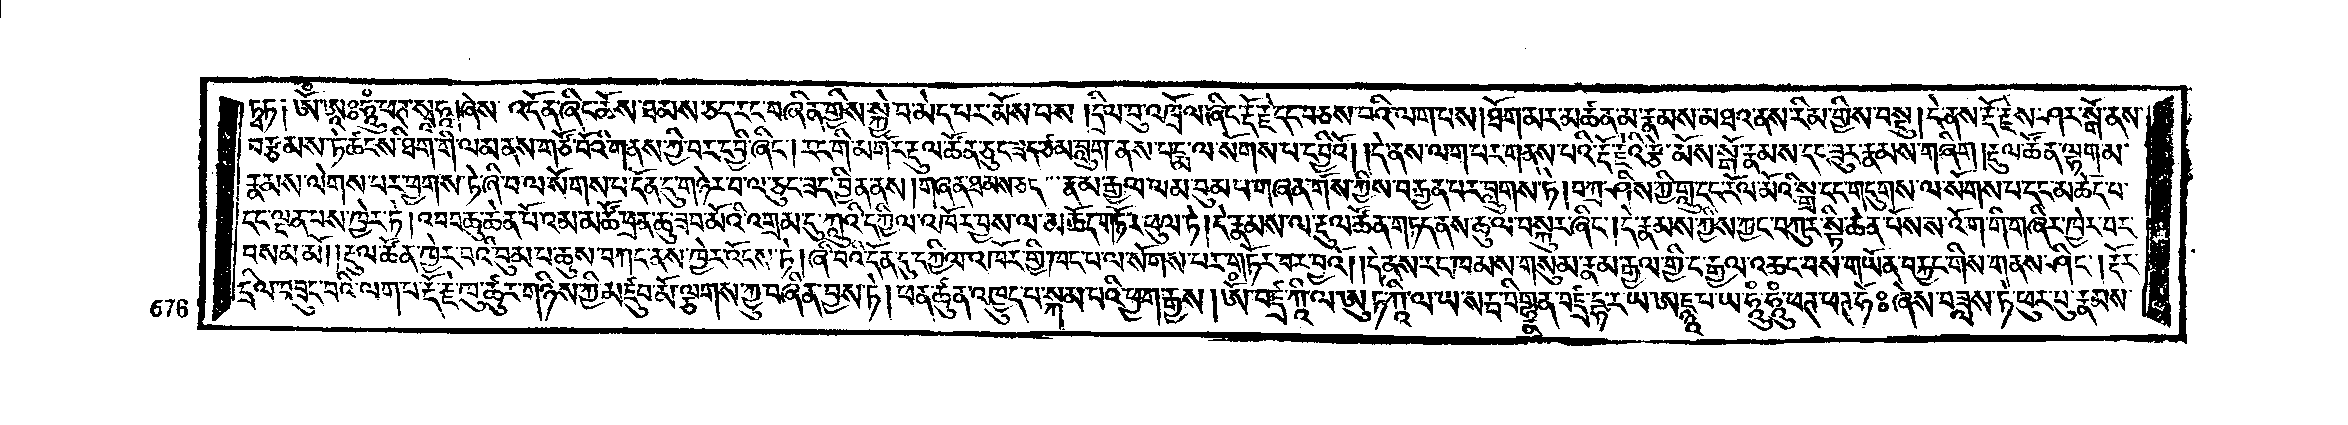ཏྭཏ། ཨོཾ་ཨཱཿ ཧཱུཾ་ཕཊ་སྭཱ་ཧཱ། ཞེས་འདོན་ཞིང་ཆོས་ཐམས་ཅད་རང་བཞིན་གྱིས་སྐྱེ་བ་མེད་པར་མོས་པས། དྲིལ་བུ་འཁྲོལ་ཞིང་རྡོ་རྗེ་དང་བཅས་པའི་ལག་པས། ཐོག་མར་མཚན་མ་རྣམས་མཐའ་ནས་རིམ་གྱིས་བསྡུ། དེ་ནས་རྡོ་རྗེས་ཤར་སྒོ་ནས་
བརྩམས་ཏེ་ཚངས་ཐིག་གི་ལམ་ནས་གཙོ་བོའི་གནས་ཀྱི་བར་དབྱི་ཞིང་། རང་གི་མགོར་རྡུལ་ཚོན་ཅུང་ཟད་ཙམ་བླུག་ནས་པདམ་ལ་སོགས་པ་དབྱིའོ། །དེ་ནས་ལག་པར་གནས་པའི་རྡོ་རྗེའི་རྩེ་མོས་སྒོ་རྣམས་དང་ཟུར་རྣམས་གཞིག །རྡུལ་ཚོན་ལྷག་མ་
རྣམས་ལེགས་པར་ཕྱགས་ཏེ་ཞི་བ་ལ་སོགས་པ་དོན་དུ་གཉེར་བ་ལ་ཅུང་ཟད་བྱིན་ནས། གཞན་ཐམས་ཅད་རྣམ་རྒྱལ་ལམ་བུམ་པ་གཞན་གོས་ཀྱིས་བརྒྱན་པར་བླུགས་ཏེ། བཀྲ་ཤིས་ཀྱི་གླུ་དང་རོལ་མོའི་སྒྲ་དང་གདུགས་ལ་སོགས་པ་དང་མཆོད་པ་
དང་ལྡན་པས་ཁྱེར་ཏེ། འབབ་ཆུ་ཆེན་པོ་འམ་མཚོ་ཕྲན་ཆུ་ཟབ་མོའི་འགྲམ་དུ་ཀླུའི་དཀྱིལ་འཁོར་བྱས་ལ་མཆོད་གཏོར་ཕུལ་ཏེ། དེ་རྣམས་ལ་རྡུལ་ཚོན་གཏད་ནས་ཆུ་ལ་བསྐུར་ཞིང་། དེ་རྣམས་ཀྱིས་ཀྱང་བཀུར་སྟི་ཆེན་པོས་ས་འོག་གི་གཞིར་ཁྱེར་བར་
བསམ་མོ། །རྡུལ་ཚོན་ཁྱེར་བའི་བུམ་པ་ཆུས་བཀང་ནས་ཁྱེར་འོངས་ཏེ། ཞི་བའི་དོན་དུ་དཀྱིལ་འཁོར་གྱི་ཁང་པ་ལ་སོགས་པར་གཏོར་བར་བྱའོ། །དེ་ནས་རང་ཁམས་གསུམ་རྣམ་རྒྱལ་གྱི་ང་རྒྱལ་འཆང་བས་གཡོན་བརྐྱང་གིས་གནས་ཤིང་། རྡོར་
དྲིལ་བཟུང་བའི་ལག་པ་རྡོ་རྗེ་ཁུ་ཚུར་གཉིས་ཀྱི་མཛུབ་མོ་ལྕགས་ཀྱུ་བཞིན་བྱས་ཏེ། ཕན་ཚུན་འཁྱུད་པ་སྐམ་པའི་ཕྱག་རྒྱས། ཨོཾ་བཛྲ་ཀཱཾ་ལ་ཨུ་ཏ་ཀཱི་ལ་ཡ་སརྦ་བིགྷྣཱན་བཛྲ་དྷ་ར་ཡ་ཨཇྙཱ་པ་ཡ་ཧཱུཾ་ཧཱུཾ་ཕཊ་ཕཊ་ཧོཿ ཞེས་བཟླས་ཏེ་ཕུར་བུ་རྣམས་